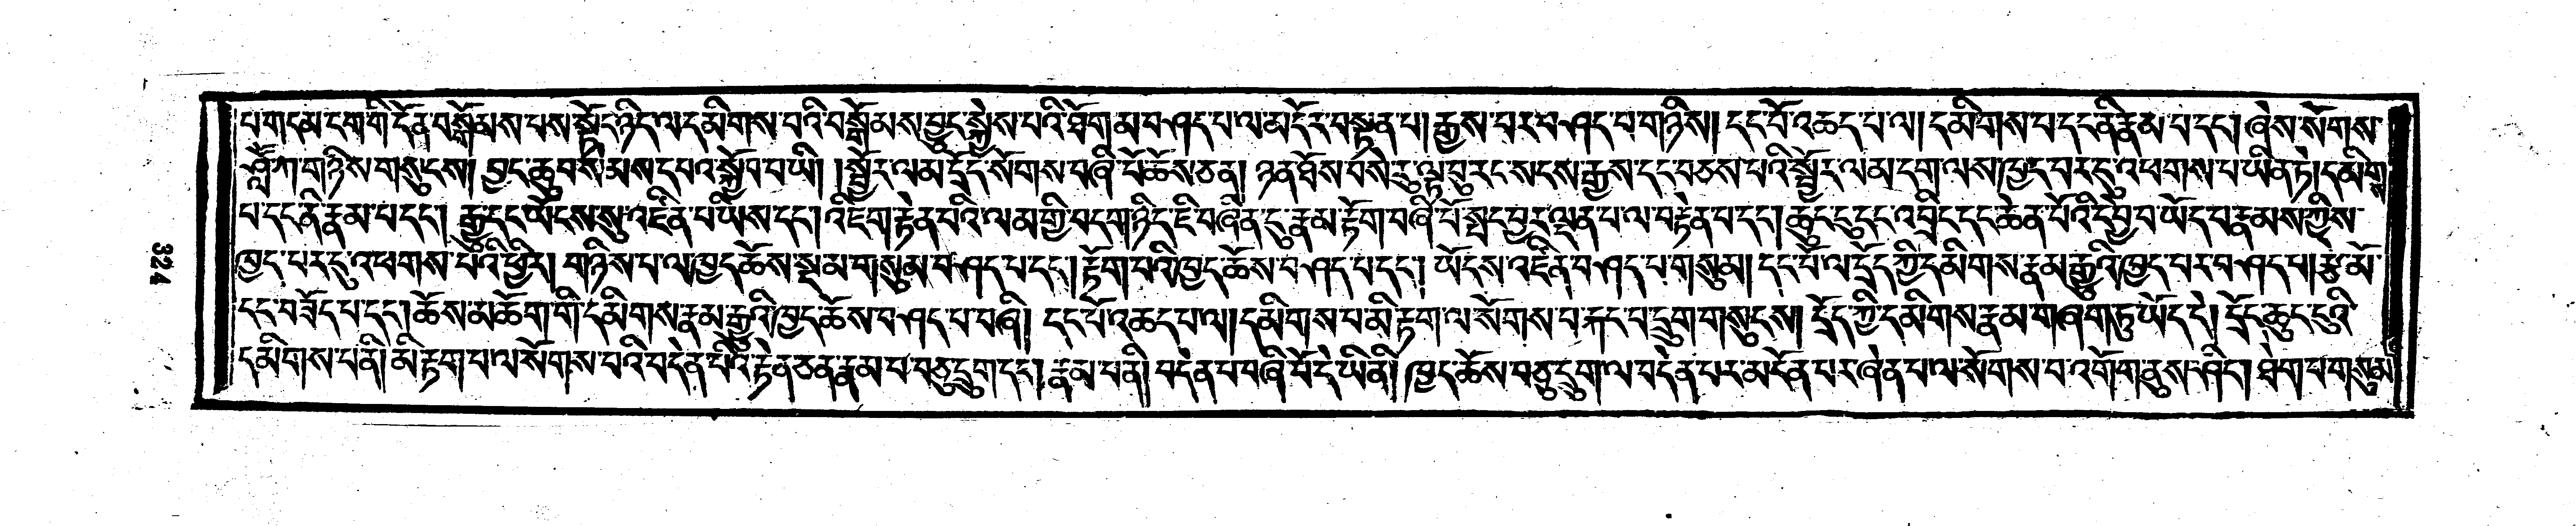པ་གདམ་ངག་གི་དོན་བསྒོམས་པས་སྟོང་ཉིད་ལ་དམིགས་པའི་བསྒོམས་བྱུང་སྐྱེས་པའི་ཐོག་མ་བཤད་པ་ལ་མདོར་བསྟན་པ། རྒྱས་པར་བཤད་པ་གཉིས། དང་པོ་འཆད་པ་ལ། དམིགས་པ་དང་ནི་རྣམ་པ་དང་། ཞེས་སོགས་
ཤླཽ་ཀ་གཉིས་གསུངས། བྱང་ཆུབ་སེམས་དཔའ་སྐྱོབ་པ་ཡི། །སྦྱོར་ལམ་དྲོད་སོགས་བཞི་པོ་ཆོས་ཅན། ཉན་ཐོས་བསེ་རུ་ལྟ་བུ་རང་སངས་རྒྱས་དང་བཅས་པའི་སྦྱོར་ལམ་དག་ལས་ཁྱད་པར་དུ་འཕགས་པ་ཡིན་ཏེ། དམིགས་
པ་དང་ནི་རྣམ་པ་དང་། རྒྱུ་དང་ཡོངས་སུ་འཛིན་པ་ཡིས་དང་། འཇིག་རྟེན་པའི་ལམ་གྱི་བདག་ཉིད་ཇི་བཞིན་དུ་རྣམ་རྟོག་བཞི་པོ་སྤང་བྱར་ལྡན་པ་ལ་བརྟེན་པ་དང་། ཆུང་ངུ་དང་འབྲིང་དང་ཆེན་པོའི་དབྱེ་བ་ཡོད་པ་རྣམས་ཀྱིས་
ཁྱད་པར་དུ་འཕགས་པའི་ཕྱིར། གཉིས་པ་ལ་ཁྱད་ཆོས་སྔ་མ་གསུམ་བཤད་པ་དང་། རྟོག་པའི་ཁྱད་ཆོས་བཤད་པ་དང་། ཡོངས་འཛིན་བཤད་པ་གསུམ། དང་པོ་ལ་དྲོད་ཀྱི་དམིགས་རྣམ་རྒྱུའི་ཁྱད་པར་བཤད་པ། རྩེ་མོ་
དང་བཟོད་པ་དང་། ཆོས་མཆོག་གི་དམིགས་རྣམ་རྒྱུའི་ཁྱད་ཆོས་བཤད་པ་བཞི། དང་པོ་འཆད་པ་ལ། དམིགས་པ་མི་རྟག་ལ་སོགས་པ་རྐང་པ་དྲུག་གསུངས། དྲོད་ཀྱི་དམིགས་རྣམ་གཞག་ཏུ་ཡོད་དེ། དྲོད་ཆུང་ངུའི་
དམིགས་པ་ནི། མི་རྟག་པ་ལ་སོགས་པའི་བདེན་པའི་རྟེན་ཅན་རྣམ་པ་བཅུ་དྲུག་དང་། རྣམ་པ་ནི། བདེན་པ་བཞི་པོ་དེ་ཡི་ནི། ཁྱད་ཆོས་བཅུ་དྲུག་ལ་བདེན་པར་མངོན་པར་ཞེན་པ་ལ་སོགས་པ་འགོག་ནུས་ཤིང་། ཐེག་པ་གསུམ་